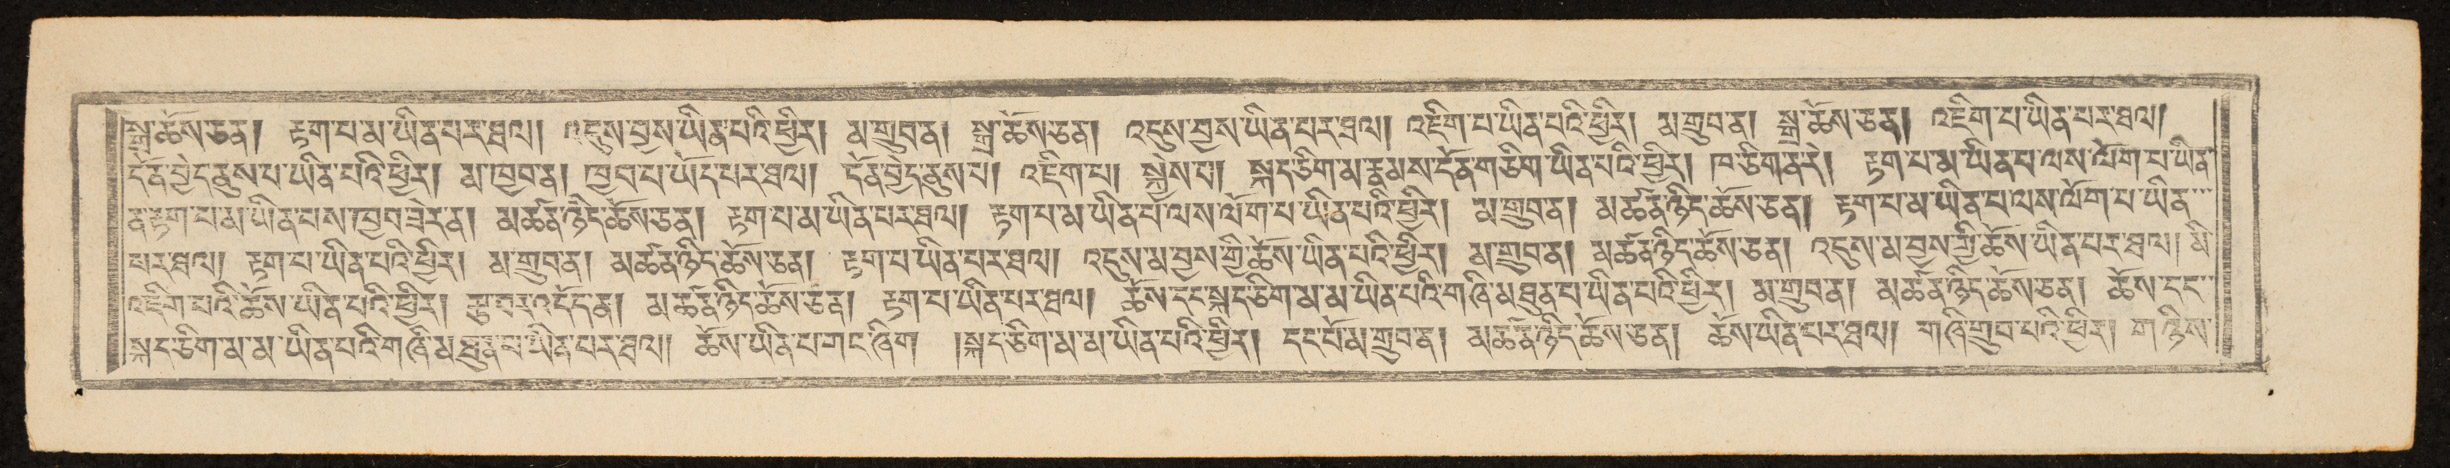སྒྲ་ཆོས་ཅན། རྟག་པ་མ་ཡིན་པར་ཐལ། འདུས་བྱས་ཡིན་པའི་ཕྱིར། མ་གྲུབ་ན། སྒྲ་ཆོས་ཅན། འདུས་བྱས་ཡིན་པར་ཐལ། འཇིག་པ་ཡིན་པའི་ཕྱིར། མ་གྲུབ་ན། སྒྲ་ཆོས་ཅན། འཇིག་པ་ཡིན་པར་ཐལ།
དོན་བྱེད་ནུས་པ་ཡིན་པའི་ཕྱིར། མ་ཁྱབ་ན། ཁྱབ་པ་ཡོད་པར་ཐལ། དོན་བྱེད་ནུས་པ། འཇིག་པ། སྐྱེས་པ། སྐད་ཅིག་མ་རྣམས་དོན་གཅིག་ཡིན་པའི་ཕྱིར། ཁ་ཅིག་ན་རེ། རྟག་པ་མ་ཡིན་པ་ལས་ལོག་པ་ཡིན་
ན་རྟག་པ་མ་ཡིན་པས་ཁྱབ་ཟེར་ན། མཚན་ཉིད་ཆོས་ཅན། རྟག་པ་མ་ཡིན་པར་ཐལ། རྟག་པ་མ་ཡིན་པ་ལས་ལོག་པ་ཡིན་པའི་ཕྱིར། མ་གྲུབ་ན། མཚན་ཉིད་ཆོས་ཅན། རྟག་པ་མ་ཡིན་པ་ལས་ལོག་པ་ཡིན་
པར་ཐལ། རྟག་པ་ཡིན་པའི་ཕྱིར། མ་གྲུབ་ན། མཚན་ཉིད་ཆོས་ཅན། རྟག་པ་ཡིན་པར་ཐལ། འདུས་མ་བྱས་ཀྱི་ཆོས་ཡིན་པའི་ཕྱིར། མ་གྲུབ་ན། མཚན་ཉིད་ཆོས་ཅན། འདུས་མ་བྱས་ཀྱི་ཆོས་ཡིན་པར་ཐལ། མི་
འཇིག་པའི་ཆོས་ཡིན་པའི་ཕྱིར། རྩ་བར་འདོད་ན། མཚན་ཉིད་ཆོས་ཅན། རྟག་པ་ཡིན་པར་ཐལ། ཆོས་དང་སྐད་ཅིག་མ་མ་ཡིན་པའི་གཞི་མཐུན་པ་ཡིན་པའི་ཕྱིར། མ་གྲུབ་ན། མཚན་ཉིད་ཆོས་ཅན། ཆོས་དང་
སྐད་ཅིག་མ་མ་ཡིན་པའི་གཞི་མཐུན་པ་ཡིན་པར་ཐལ། ཆོས་ཡིན་པ་གང་ཞིག །སྐད་ཅིག་མ་མ་ཡིན་པའི་ཕྱིར། དང་པོ་མ་གྲུབ་ན། མཚན་ཉིད་ཆོས་ཅན། ཆོས་ཡིན་པར་ཐལ། གཞི་གྲུབ་པའི་ཕྱིར། གཉིས་